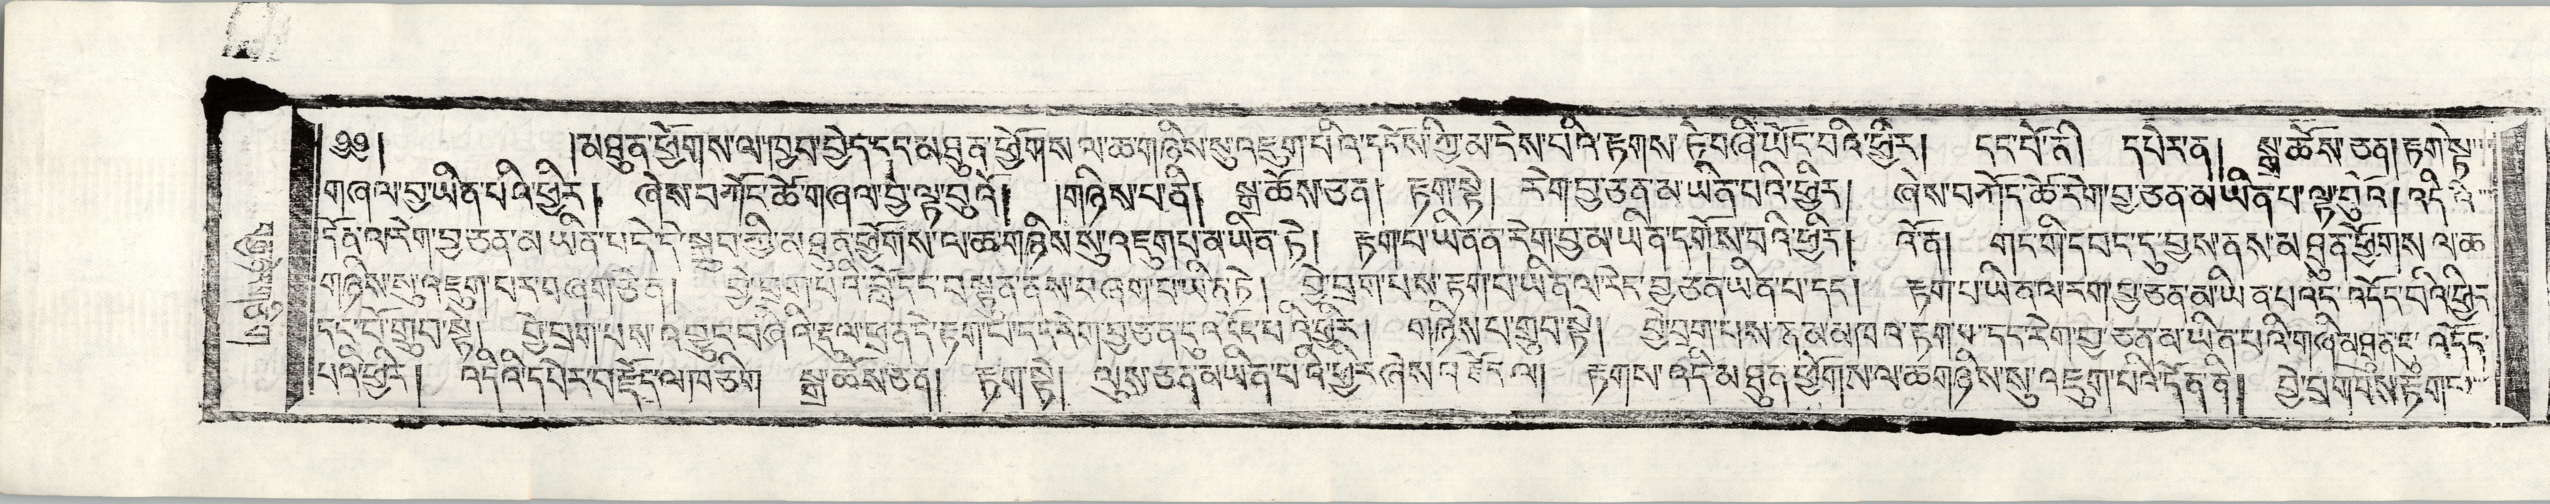མཐུན་ཕྱོགས་ལ་ཁྱབ་བྱེད་དང་མཐུན་ཕྱོགས་ལ་ཆ་གཉིས་
སུ་འཇུག་པའི་དངོས་ཀྱི་མ་ངེས་པའི་རྟགས་ཏེ་བཞི་ཡོད་པའི་ཕྱིར། །དང་པོ་ནི། དཔེར་ན། སྒྲ་ཆོས་ཅན། རྟག་སྟེ། གཞལ་བྱ་ཡིན་པའི་ཕྱིར། ཞེས་བཀོད་ཚེ་གཞལ་བྱ་ལྟ་བུའོ། །གཉིས་པ་ནི། སྒྲ་ཆོས་ཅན། རྟག་སྟེ། རེག་བྱ་ཅན་མ་ཡིན་པའི་ཕྱིར།
ཞེས་བཀོད་ཚེ་རེག་བྱ་ཅན་མ་ཡིན་པ་ལྟ་བུའོ། །འདིའི་དོན་ལ་རེག་བྱ་ཅན་མ་ཡིན་པ་དེ་དེ་སྒྲུབ་ཀྱི་མཐུན་ཕྱོགས་ལ་ཆ་གཉིས་སུ་འཇུག་པ་མ་ཡིན་ཏེ། རྟག་པ་ཡིན་ན་རེག་བྱ་མ་ཡིན་དགོས་པའི་ཕྱིར། །འོ་ན། གང་གི་དབང་དུ་བྱས་ནས་མཐུན་ཕྱོགས་ལ་ཆ་གཉིས་སུ་འཇུག་པར་བཞག་ཅེ་ན། བྱེ་བྲག་པའི་བློ་དང་བསྟུན་ནས་བཞག་པ་ཡིན་ཏེ། བྱེ་བྲག་པས་རྟག་པ་ཡིན་ལ་རེག་བྱ་ཅན་ཡིན་པ་དང་། རྟག་པ་ཡིན་ལ་རེག་བྱ་ཅན་མ་ཡིན་པའང་འདོད་པའི་ཕྱིར། །དང་པོ་གྲུབ་སྟེ། བྱེ་བྲག་བས་འབྱུང་བཞིའི་
རྡུལ་ཕྲན་དེ་རྟག་པ་དང་རེག་བྱ་ཅན་དུ་འདོད་པའི་ཕྱིར། གཉིས་པ་གྲུབ་སྟེ། བྱེ་བྲག་པས་ནམ་མཁའ་རྟག་པ་དང་རེག་བྱ་ཅན་མ་ཡིན་པའི་གཞི་མཐུན་དུ་འདོད་པའི་ཕྱིར། འདིའི་དཔེར་བརྗོད་ལ་ཁ་ཅིག །སྒྲ་ཆོས་ཅན། རྟག་སྟེ། ལུས་ཅན་མ་ཡིན་པའི་
ཕྱིར་ཞེས་འགོད་ལ། རྟགས་འདི་མཐུན་ཕྱོགས་ལ་ཆ་གཉིས་སུ་འཇུག་པའི་དོན་ནི། བྱེ་བྲག་པས་རྟག་པ་